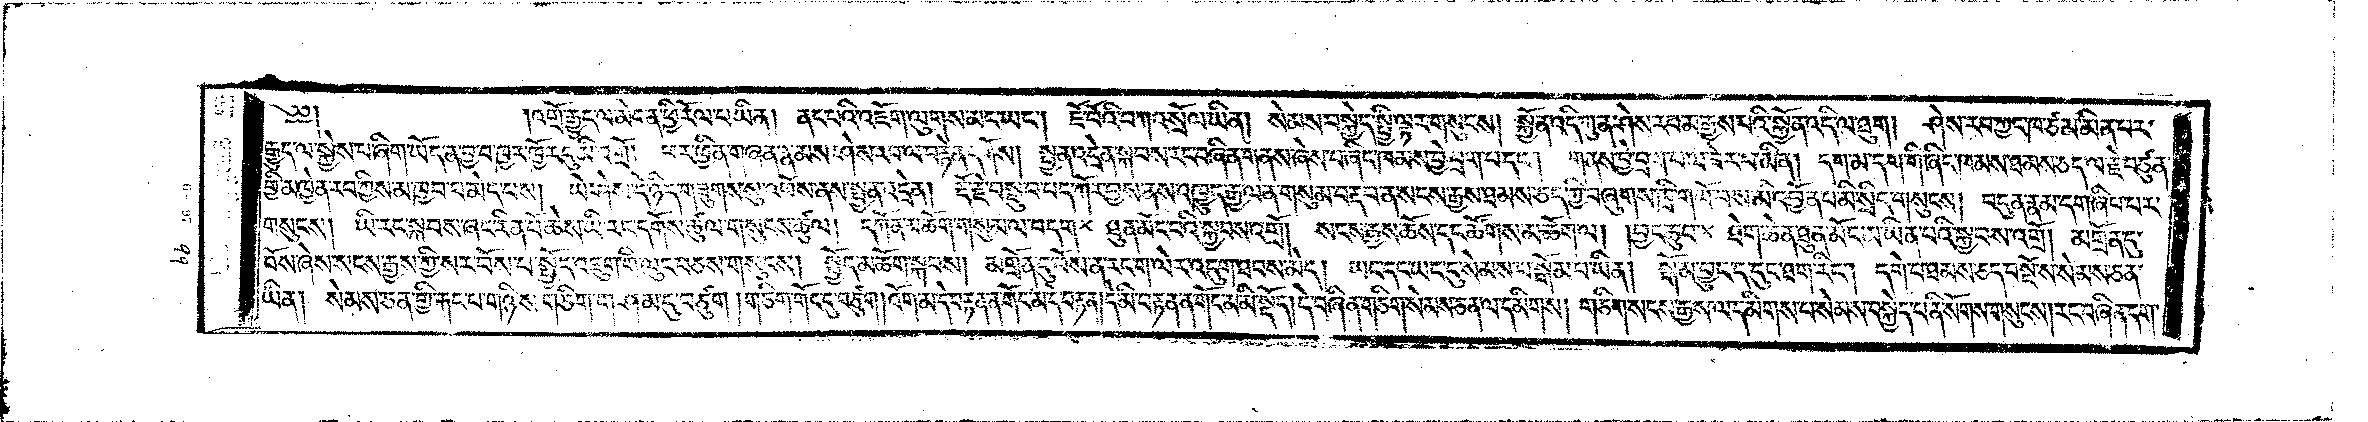༄༅། །འགྲོ་རྒྱུད་ལ་མེད་ན་ཕྱི་རོལ་པ་ཡིན། ནང་པའི་འཇོག་ལུགས་མང་ཡང་། ཇོ་བོའི་བཀའ་སྲོལ་ཡིན། སེམས་བསྐྱེད་སྤྱི་ལྟར་གསུངས། སྐྱོན་འདི་ཀུན་ཤེས་རབ་མ་རྒྱས་པའི་སྐྱོན་འདི་ལ་ཐུག། ཤེས་རབ་ཀྱང་ཁ་ཙམ་མིན་པར་
རྒྱུད་ལ་སྐྱེས་པ་ཞིག་ཡོད་ན་བྱ་བ་ཁྱར་ཁྱོར་དུ་ཡི་འགྲོ། ཕར་ཕྱིན་གཞན་རྣམས་ཤེས་རབ་ལ་བརྟེན་དགོས། སྤྱན་འདྲེན་སྐབས་རང་བཞིན་གནས་ཞེས་བ་ཞིང་ཁམས་བྱེ་བྲག་པ་དང་། གནས་བྱེ་བྲ་དཔལ་ཟེར་པ་ཡིན། དག་མ་དག་གི་ཞིང་ཁམས་ཐམས་ཅད་ལ་རྗེ་བཙུན་
གྱི་མཁྱེན་རབ་ཀྱིས་མ་ཁྱབ་བ་མེད་པས། ཡེ་ཤེས་དེ་ཉིད་གཟུགས་སུ་འཕོས་ནས་སྤྱན་འདྲེན། རྡོ་རྗེ་བསྡུ་བ་པད་ཀོར་བྱས་ནས་འཁྱུད་རྒྱ་ལན་གསུམ་བརྡབ་ན་སངས་རྒྱས་ཐམས་ཅད་ཀྱི་བཞུགས་ཁྲི་གཡོ་བས་མི་འབྱོན་པ་མི་སྲིད་གསུངས། བདུན་རྣམ་དག་ཞིབ་པར་
གསུངས། ཡི་རང་སྐབས་ཞང་རིན་པོ་ཆེས་ཡི་རང་དགོས་ཚུལ་གསུངས་ཚུལ། དཀོན་མཆོག་གསུམ་ལ་བདག་྾་ཐུན་མོང་བའི་སྐྱབས་འགྲོ། སངས་རྒྱས་ཆོས་དང་ཚོགས་མཆོག་ལ། །བྱང་ཆུབ་྾་ཐེག་ཆེན་ཐུན་མོང་མ་ཡིན་པའི་སྐྱབས་འགྲོ། མགྲོན་དུ་
བོས་ཞེས་སངས་རྒྱས་ཀྱི་སར་བོས་པ་སྤྱོད་འཇུག་གི་ལུང་བཅས་གསུངས། སྤྱོད་མཆོག་སྐབས། མགྲོན་དུ་བོས་ན་རང་ག་ལེར་འདུག་ཐབས་མེད། ཡང་དང་ཡང་དུ་སེམས་པ་སྒོམ་པ་ཡིན། སྒོམ་བྱུང་ད་དུང་ཐག་རིང་། དགེ་བ་ཐམས་ཅད་བསྔོས་སེམས་ཅན་
ཡིན། སེམས་ཅན་གྱི་རྐང་པ་གཉིས་གཅིག་གཤམ་དུ་བཙུགས་།གཅིག་གོང་དུ་བཙུག །འོག་མ་དེ་བརྟན་ན་གོང་མ་དེ་བརྟན། དེ་མི་བརྟན་ན་གོང་མ་མི་སྡོད། དེ་བཞིན་གཅིག་སེམས་ཅན་ལ་དམིགས། གཅིག་སངས་རྒྱས་ལ་དམིགས་པ་སེམས་བསྐྱེད་པ་ནི་སོགས་གསུངས། རང་བཞིན་དག་